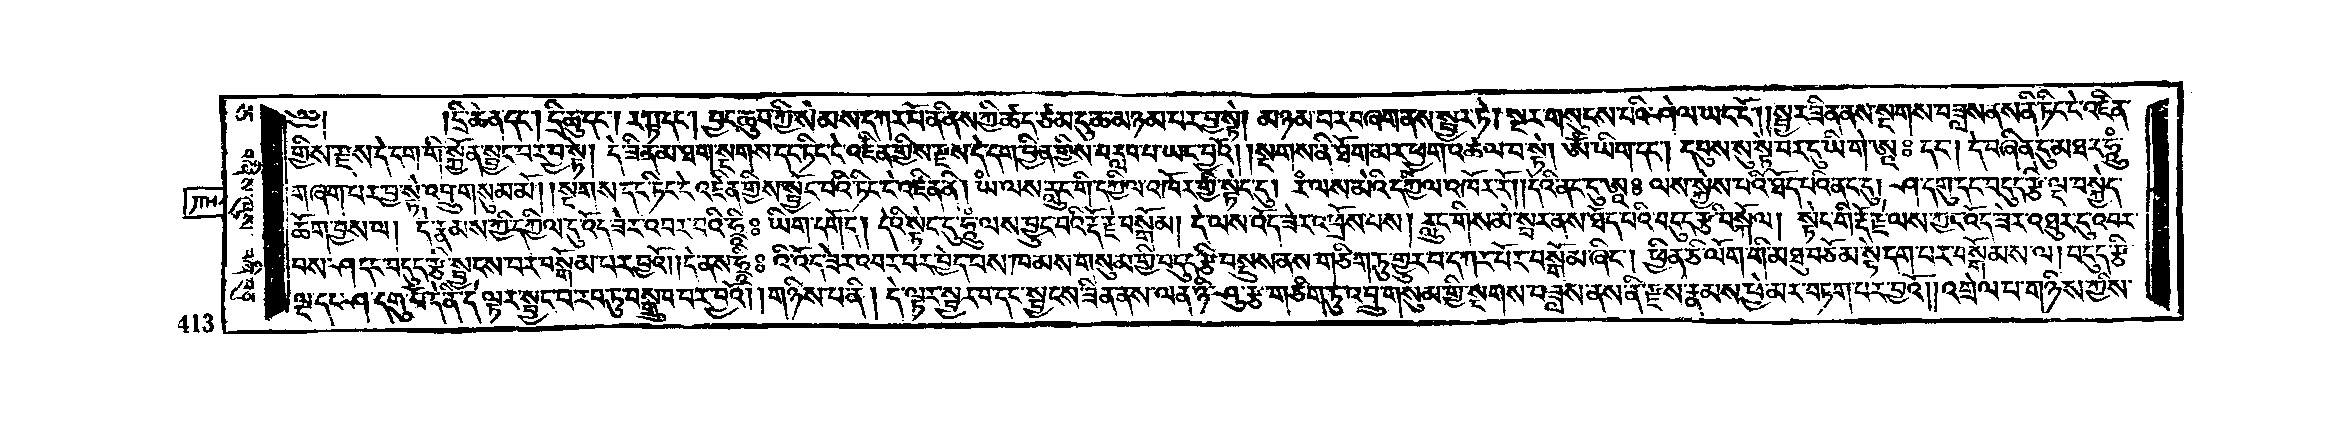༄༅། །དྲི་ཆེན་དང་། དྲི་ཆུ་དང་། རཀྟ་དང་། བྱང་ཆུབ་ཀྱི་སེམས་དཀར་པོ་ནི་ནས་ཀྱི་ཚད་ཙམ་དུ་ཆ་མཉམ་པར་བྱ་སྟེ། མཉམ་པར་བཞག་ནས་སྦྱར་ཏེ། སྔར་གསུངས་པའི་ཤེལ་ཡང་ངོ། །སྦྱར་ཟིན་ནས་སྔགས་བཟླས་ནས་ནི་ཏིང་ངེ་འཛིན་
གྱིས་རྫས་དེ་དག་གི་སྐྱོན་སྦྱང་བར་བྱ་སྟེ། དེ་ཟིན་མ་ཐག་སྔགས་དང་ཏིང་ངེ་འཛིན་གྱིས་རྫས་དེ་དག་བྱིན་གྱིས་བརླབ་པ་ཡང་བྱའོ། །སྔགས་ནི་ཐོག་མར་ཕྱག་འཚལ་བ་སྟེ། ཨོཾ་ཡིག་དང་། དབུས་སུ་སྟེ་བར་དུ་ཡི་གེ་ཨཱཿ དང་། དེ་བཞིན་དུ་མཐར་ཧཱུཾ་
གཞག་པར་བྱ་སྟེ་འབྲུ་གསུམ་མོ། །སྔགས་དང་ཏིང་ངེ་འཛིན་གྱིས་སྦྱོང་བའི་ཏིང་ངེ་འཛིན་ནི། ཡཾ་ལས་རླུང་གི་དཀྱིལ་འཁོར་གྱི་སྟེང་དུ། རཾ་ལས་མེའི་དཀྱིལ་འཁོར་རོ། །དེའི་ནང་དུ་ཨཱཿ ལས་སྐྱེས་པའི་ཐོད་པའི་ནང་དུ། ཤ་དགུ་དང་བདུད་རྩི་ལྔ་བསྐྱེད་
ཆོག་བྱས་ལ། དེ་རྣམས་ཀྱི་དཀྱིལ་དུ་འོད་ཟེར་འབར་བའི་ཧྲཱིཿ ཡིག་དགོད། དེའི་སྟེང་དུ་ཧཱུཾ་ལས་བྱུང་བའི་རྡོ་རྗེ་བསྒོམ། དེ་ལས་འོད་ཟེར་འཕྲོས་པས། རླུང་གིས་མེ་སྦར་ནས་ཐོད་པའི་བདུད་རྩི་བསྐོལ། སྟེང་གི་རྡོ་རྗེ་ལས་ཀྱང་འོད་ཟེར་འཐུར་དུ་འབར་
བས་ཤ་དང་བདུད་རྩི་སྦྱངས་པར་བསྒོམ་པར་བྱའོ། །དེ་ནས་ཧྲཱིཿའི་འོད་ཟེར་འབར་བར་བྱེད་པས་ཁམས་གསུམ་གྱི་བདུད་རྩི་བསྡུས་ནས་གཅིག་ཏུ་གྱུར་པ་དཀར་པོར་བསྒོམ་ཞིང་། ཕྱིན་ཅི་ལོག་གི་མཐུ་བཅོམ་སྟེ་དག་པར་བསྒོམས་ལ། བདུད་རྩི་
ལྔ་དང་ཤ་དགུ་པོ་དེ་ནི་དེ་ལྟར་སྦྱང་བ་རབ་ཏུ་བསྒྲུབ་པར་བྱའོ། །གཉིས་པ་ནི། དེ་ལྟར་སྦྱར་བ་དང་སྦྱངས་ཟིན་ནས་ལན་ཉི་ཤུ་རྩ་གཅིག་ཏུ་འབྲུ་གསུམ་གྱི་སྔགས་བཟླས་ནས་ནི་རྫས་རྣམས་ཕྱེ་མར་བཏག་པར་བྱའོ། །འགྲེལ་པ་གཉིས་ཀྱིས་